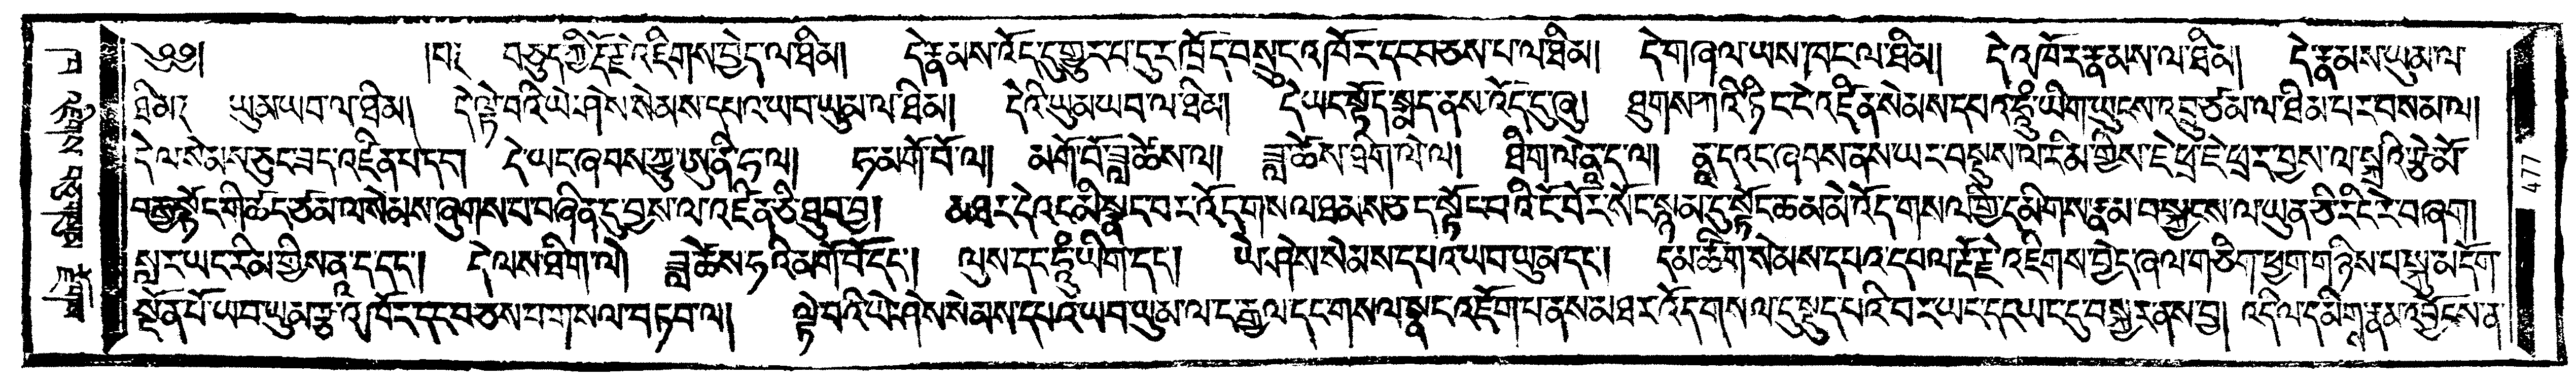༄༅། །པ༑ བཅུད་ཀྱི་རྡོ་རྗེ་འཇིགས་བྱེད་ལ་ཐིམ། དེ་རྣམས་འོད་དུ་གྱུར་པ་དུར་ཁྲོད་བསྲུང་འཁོར་དང་བཅས་པ་ལ་ཐིམ། དེ་གཞལ་ཡས་ཁང་ལ་ཐིམ། དེ་འཁོར་རྣམས་ལ་ཐིམ། དེ་རྣམས་ཡུམ་ལ་
ཐིམ༑ ཡུམ་ཡབ་ལ་ཐིམ། དེ་ལྟེ་བའི་ཡེ་ཤེས་སེམས་དཔའ་ཡབ་ཡུམ་ལ་ཐིམ། དེའི་ཡུམ་ཡབ་ལ་ཐིམ། དེ་ཡང་སྟོད་སྨད་ནས་འོད་དུ་ཞུ། ཐུགས་ཀའི་ཏིང་ངེ་འཛིན་སེམས་དཔའ་ཧཱུཾ་ཡིག་ཡུངས་འབྲུ་ཙམ་ལ་ཐིམ་པར་བསམ་ལ།
དེ་ལ་སེམས་ཅུང་ཟད་འཛིན་པ་དང་། དེ་ཡང་ཞབས་ཀྱུ་ཨུ་ནི་ཧ་ལ། ཧ་མགོ་བོ་ལ། མགོ་བོ་ཟླ་ཚེས་ལ། ཟླ་ཚེས་ཐིག་ལེ་ལ། ཐིག་ལེ་ནཱ་ད་ལ། ནཱ་དའང་ཞབས་ནས་ཡར་བསྡུས་ལ་རིམ་གྱིས་ཇེ་ཕྲ་ཇེ་ཕྲར་བྱས་ལ་སྐྲའི་རྩེ་མོ་
བརྒྱ་སྟོང་གི་ཚད་ཙམ་ལ་སེམས་ཞུགས་པ་བཞིན་དུ་བྱས་ལ་འཛིན་ཅི་ཐུབ་བྱ། མཐར་དེའང་མི་སྣང་བར་འོད་གསལ་ཐམས་ཅད་སྟོང་པའི་ངོ་བོར་སོང་སྙམ་དུ་སྟོང་ཆ་མ་མེ་འོད་གསལ་གྱི་དམིགས་རྣམ་བསྐྱངས་ལ་ཡུན་ཅི་རིང་རེ་བཞག།
སླར་ཡང་རིམ་གྱིས་ནཱ་ད་དང་། དེ་ལས་ཐིག་ལེ། ཟླ་ཚེས་ཧའི་མགོ་བོ་དང་། ལུས་དང་ཧཱུཾ་ཡིག་དང་། ཡེ་ཤེས་སེམས་དཔའ་ཡབ་ཡུམ་དང་། དམ་ཚིག་སེམས་དཔའ་དཔལ་རྡོ་རྗེ་འཇིགས་བྱེད་ཞལ་གཅིག་ཕྱག་གཉིས་པ་སྐུ་མདོག་
སྔོན་པོ་ཡབ་ཡུམ་རྩ་འཁོར་དང་བཅས་པ་གསལ་བཏབ་ལ། ལྟེ་བའི་ཡེ་ཤེས་སེམས་དཔའ་ཡབ་ཡུམ་ལ་ང་རྒྱལ་དང་གསལ་སྣང་འཇོག་པ་ནས་མཐར་འོད་གསལ་དུ་སྡུད་པའི་བར་ཡང་དང་ཡང་དུ་བསྐྱར་ནས་བྱ། འདི་ལ་དམིགས་རྣམ་འབྱོངས་ན་